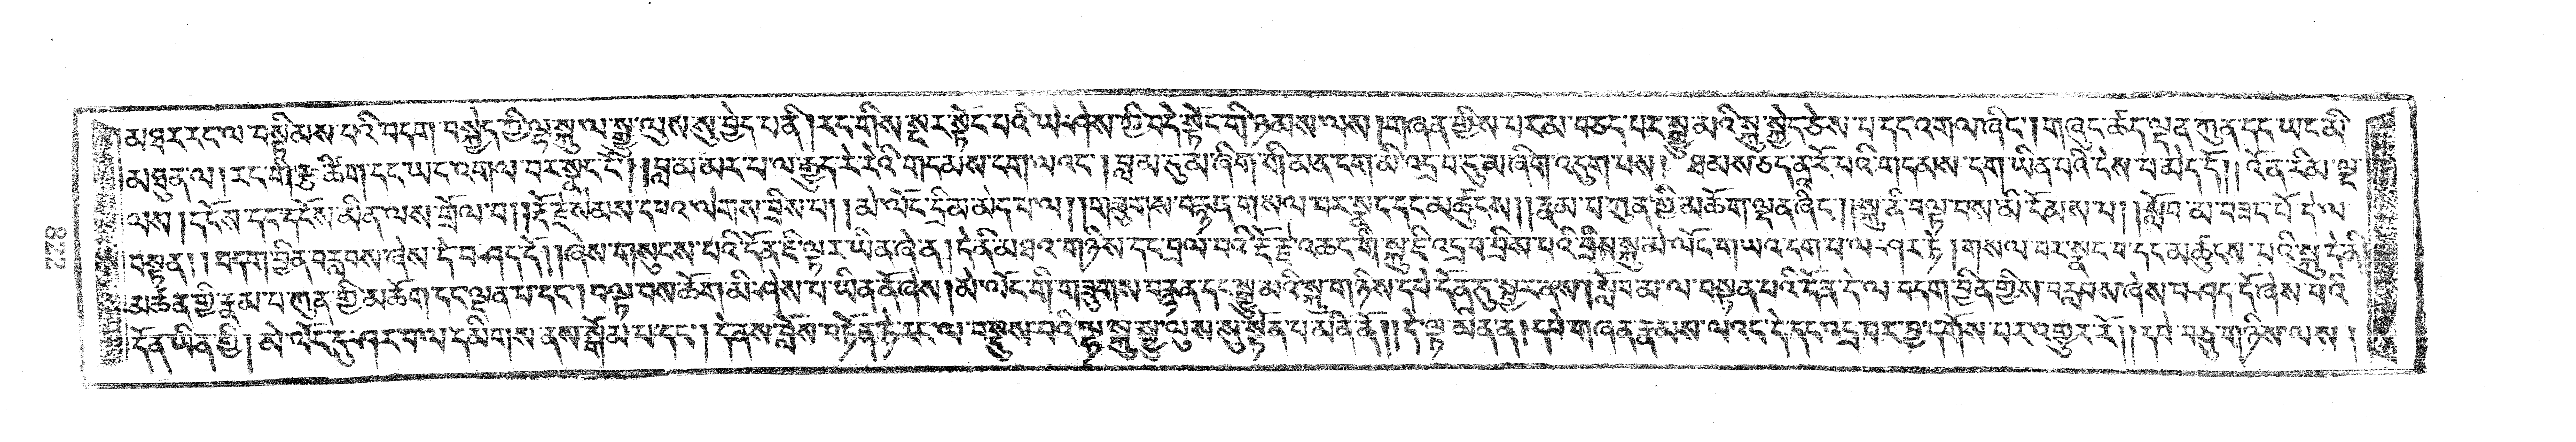མཐར་རང་ལ་བསྟིམས་པའི་བདག་བསྐྱེད་ཀྱི་ལྷ་སྐུ་ལ་སྒྱུ་ལུས་སུ་བྱེད་པ་ནི། རང་གིས་སྔར་སྟོང་པའི་ཡེ་ཤེས་ཀྱི་བདེ་སྟོང་གི་ཉམས་ལས། གཞན་གྱིས་བར་མ་བཅད་པར་སྒྱུ་མའི་སྐུ་སྐྱེད་ཅེས་པ་དང་འགལ་ཞིང་། གཞུང་ཚད་ལྡན་ཀུན་དང་ཡང་མི་
མཐུན་ལ། རང་གི་རྩ་ཚིག་དང་ཡང་འགལ་བར་སྣང་ངོ། །བླ་མ་མར་པ་ལ་རྒྱུད་རེ་རེའི་གདམས་ངག་ལའང་། བླ་མ་དུ་མ་ཞིག་གི་མན་ངག་མི་འདྲ་བ་དུ་མ་ཞིག་འདུག་པས། ཐམས་ཅད་ནཱ་རོ་པའི་གདམས་ངག་ཡིན་པའི་ངེས་པ་མེད་དོ། །འོ་ན་རིམ་ལྔ་
ལས། དངོས་དང་དངོས་མིན་ལས་གྲོལ་བ། །རྡོ་རྗེ་སེམས་དཔའ་ལེགས་བྲིས་པ། །མེ་ལོང་དྲི་མ་མེད་པ་ལ། །གཟུགས་བརྙན་གསལ་བར་སྣང་དང་མཚུངས། །རྣམ་པ་ཀུན་གྱི་མཆོག་ལྡན་ཞིང་། །སྐུ་ནི་བལྟ་བས་མི་ངོམས་པ། །སློབ་མ་བཟང་པོ་དེ་ལ་
བསྟན། །བདག་བྱིན་བརླབས་ཞེས་དེ་བཤད་དོ། །ཞེས་གསུངས་པའི་དོན་ཇི་ལྟར་ཡིན་ཞེ་ན། དེ་ནི་མཐའ་གཉིས་དང་བྲལ་བའི་རྡོ་རྗེ་འཆང་གི་སྐུ་ཇི་འདྲ་བ་བྲིས་པའི་བྲིས་སྐུ་མེ་ལོང་གཡའ་དག་པ་ལ་ཤར་ཏེ། གསལ་བར་སྣང་བ་དང་མཚུངས་པའི་སྐུ་དེ་ནི།
མཚན་གྱི་རྣམ་པ་ཀུན་གྱི་མཆོག་དང་ལྡན་པ་དང་། བལྟ་བས་ཆོག་མི་ཤེས་པ་ཡིན་ནོ་ཞེས། མེ་ལོང་གི་གཟུགས་བརྙན་དང་སྒྱུ་མའི་སྐུ་གཉིས་དཔེ་དོན་དུ་སྦྱར་ནས། སློབ་མ་ལ་བསྟན་པའི་དོན་དེ་ལ་བདག་བྱིན་གྱིས་བརླབས་ཞེས་བཤད་དོ་ཞེས་པའི་
དོན་ཡིན་གྱི། མེ་ལོང་དུ་ཤར་བ་ལ་དམིགས་ནས་སྒོམ་པ་དང་། དེ་ནས་བློས་བཏོན་ཏེ་རང་ལ་བསྡུས་པའི་ལྷ་སྐུ་སྒྱུ་ལུས་སུ་སྟོན་པ་མིན་ནོ། །དེ་ལྟ་མིན་ན་དཔེ་གཞན་རྣམས་ལའང་དེ་དང་འདྲ་བར་བྱ་དགོས་པར་འགྱུར་རོ། །དཔེ་བཅུ་གཉིས་ལས།